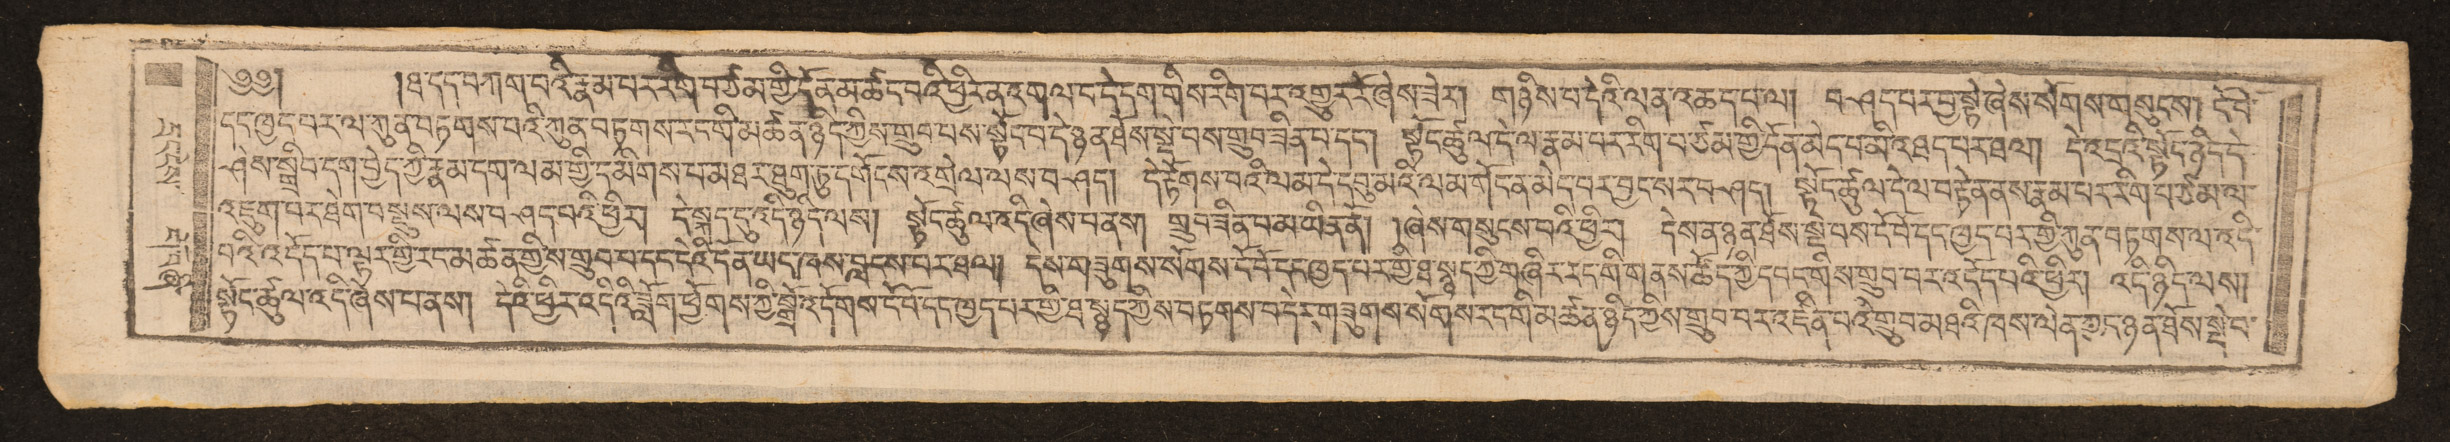༄༅། །ཐ་དད་བཀག་པའི་རྣམ་པར་རིག་པ་ཙམ་གྱི་དོན་མ་ཚང་བའི་ཕྱིར་ན་འགལ་བ་དེ་དག་གིས་རིག་པར་འགྱུར་རོ་ཞེས་ཟེར། གཉིས་པ་དེའི་ལན་འཆད་པ་ལ། བཤད་པར་བྱ་སྟེ་ཞེས་སོགས་གསུངས། ངོ་བོ་
དང་ཁྱད་པར་ལ་ཀུན་བཏགས་པའི་ཀུན་བཏགས་རང་གི་མཚན་ཉིད་ཀྱིས་གྲུབ་པས་སྟོང་བ་དེ་ཉན་ཐོས་སྡེ་བས་གྲུབ་ཟིན་པ་དང་། སྟོང་ཚུལ་དེ་ལ་རྣམ་པར་རིག་པ་ཙམ་གྱི་དོན་མེད་པ་མི་འཐད་པར་ཐལ། དེ་འདྲའི་སྟོང་ཉིད་དེ་
ཤེས་སྒྲིབ་དག་བྱེད་ཀྱི་རྣམ་དག་ལམ་གྱི་དམིགས་པ་མཐར་ཐུག་ཏུ་དགོངས་འགྲེལ་ལས་བཤད། དེ་རྟོགས་པའི་ལམ་དེ་དབུ་མའི་ལམ་གོང་ན་མེད་པར་བྱང་སར་བཤད། སྟོང་ཚུལ་དེ་ལ་བརྟེན་ནས་རྣམ་པར་རིག་པ་ཙམ་ལ་
འཇུག་པར་ཐེག་བསྡུས་ལས་བཤད་པའི་ཕྱིར། དེ་སྐད་དུ་འདི་ཉིད་ལས། སྟོང་ཚུལ་འདི་ཞེས་བ་ནས། གྲུབ་ཟིན་བ་མ་ཡིན་ནོ། །ཞེས་གསུངས་པའི་ཕྱིར། དེས་ན་ཉན་ཐོས་སྡེ་བས་ངོ་བོ་དང་ཁྱད་པར་གྱི་ཀུན་བཏགས་ལ་འདི་
པའི་འདོད་པ་ལྟར་གྱི་རང་མཚན་གྱིས་གྲུབ་པ་དང་དེའི་དོན་ཡང་ཁས་བླངས་པར་ཐལ། དེས་གཟུགས་སོགས་ངོ་བོ་དང་ཁྱད་པར་གྱི་ཐ་སྙད་ཀྱི་གཞིར་རང་གི་གནས་ཚོད་ཀྱི་དབང་གིས་གྲུབ་པར་འདོད་པའི་ཕྱིར། འདི་ཉིད་ལས།
སྟོང་ཚུལ་འདི་ཞེས་པ་ནས། དེའི་ཕྱིར་འདིའི་ཟློག་ཕྱོགས་ཀྱི་སྒྲོ་འདོགས་ངོ་བོ་དང་ཁྱད་པར་གྱི་ཐ་སྙད་ཀྱིས་བཏགས་པ་དེར་གཟུགས་སོགས་རང་གི་མཚན་ཉིད་ཀྱིས་གྲུབ་པར་འཛིན་པའི་གྲུབ་མཐའི་ཁས་ལེན་ཀྱང་ཉན་ཐོས་སྡེ་པ་